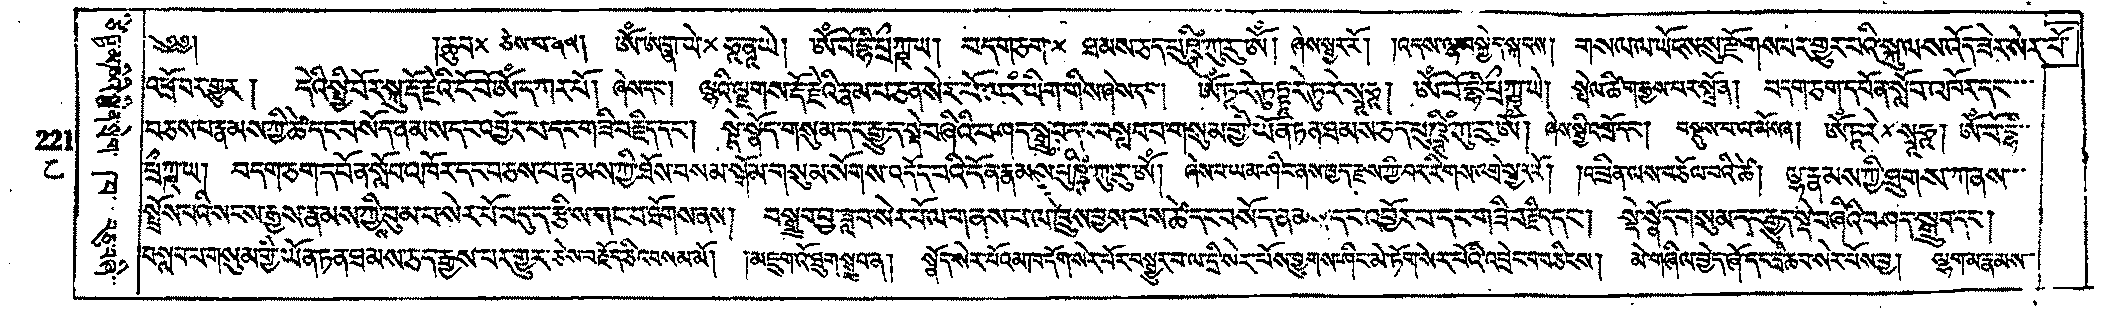༄༅། །ཆུབ་྾་ཅེས་པ་ནས།  ཨོཾ་ཨགན་ཡེ་྾་ཧཱ་ནཱ་ཡེ། ཨོཾ་བོ་དྷི་པྲྀཀྵ་ཡ། བདག་ཅག་྾་ཐམས་ཅད་པུཥྚིཾ་ཀུ་རུ་ཨོཾ། ཞེས་སྦྱར་རོ། །འདས་ལྷ་བསྐྱེད་སྐབས།  གསལ་ལ་ཡོངས་སུ་རྫོགས་པར་གྱུར་པའི་སྐུ་ལས་འོད་ཟེར་སེར་པོ་
འཕྲོ་བར་གྱུར། དེའི་སྤྱི་བོར་སྐུ་རྡོ་རྗེའི་ངོ་བོ་ཨོཾ་དཀར་པོ། ཞེས་དང་།  ལྷའི་ལྗགས་རྡོ་རྗེའི་རྣམ་པ་ཅན་སེར་པོ་ལ་རཾ་ཡིག་གིས་ཞེས་དང་། ཨོཾ་ཏཱ་རེ་ཏུཏྟཱ་རེ་ཏུ་རེ་སྭཱཧཱ། ཨོཾ་བོ་དྷི་པྲྀཀྵ་ཡེ། སྤེལ་ཚིག་རྒྱས་པར་སྤྲོ་ན།  བདག་ཅག་དཔོན་སློབ་འཁོར་དང་་་
བཅས་པ་རྣམས་ཀྱི་ཚེ་དང་བསོད་ནམས་དང་འབྱོར་པ་དང་གཟི་བརྗིད་དང་། སྣེ་སྣོད་གསུམ་དང་རྒྱུད་སྡེ་བཞིའི་བཤད་སྒྲུབ་དང་བསླབ་པ་གསུམ་གྱི་ཡོན་ཏན་ཐམས་ཅད་པུཥྚིཾ་ཀུ་རུ་ཨོཾ། ཞེས་སྤྱི་འགྲོ་དང་། བསྡུས་པ་ལ་མོས་ན།  ཨོཾ་ཏཱ་རེ་྾་སྭཱཧཱ། ཨོཾ་བོ་དྷི་་་
པྲྀཀྵ་ཡ། བདག་ཅག་དཔོན་སློབ་འཁོར་དང་བཅས་པ་རྣམས་ཀྱི་ཐོས་བསམ་སྒོམ་གསུམ་སོགས་འདོད་པའི་དོན་རྣམས་པུཥྚིཾ་ཀུ་རུ་ཨོཾ། ཞེས་པ་ཡམ་ཤིང་ནས་ཁྱད་རྫས་ཀྱི་བར་རིགས་འགྲི་སྦྱར་རོ། །འཕྲིན་ལས་བཅོལ་བའི་ཚེ།  ལྷ་རྣམས་ཀྱི་ཐུགས་ཀ་ནས་་་
སྤྲོས་པའི་སངས་རྒྱས་རྣམས་ཀྱིས་བུམ་པ་སེར་པོ་བདུད་རྩིས་གང་བ་ཐོགས་ནས། བསྒྲུབ་བྱ་ཟླ་བ་སེར་པོ་ལ་གནས་པ་ལ་ཁྲུས་བྱས་པས་ཚེ་དང་བསོད་ནམས་དང་འབྱོར་པ་དང་གཟི་བརྗིད་དང་། སྡེ་སྣོད་གསུམ་དང་རྒྱུད་སྡེ་བཞིའི་བཤད་སྒྲུབ་དང་།
བསླབ་པ་གསུམ་གྱི་ཡོན་ཏན་ཐམས་ཅད་རྒྱས་པར་གྱུར་ཅེས་བརྗོད་ཅིང་བསམ་མོ། །མཇུག་འོ་ཐུག་སྒྲུབ་ན། སྣོད་སེར་པོའམ་ཁ་དོག་སེར་པོར་བསྒྱུར་བ་ལ་དྲི་སེར་པོས་བྱུགས་ཤིང་མེ་ཏོག་སེར་པོའི་འཕྲེང་བ་བཅིངས། མེ་གཞིལ་བྱེད་ཞོ་དང་དྲིའི་ཆབ་སེར་པོས་བྱ། ལྷག་མ་རྣམྶ་་་